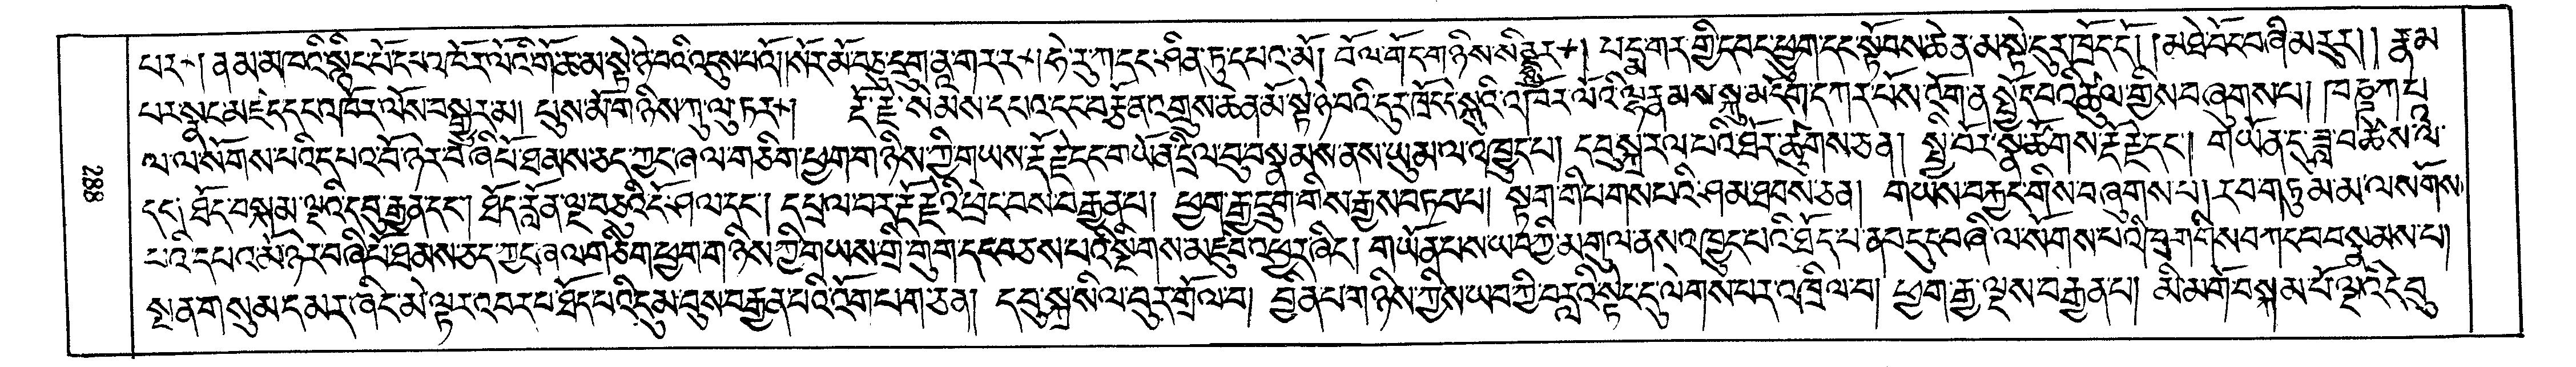པར། ནམ་མཁའི་སྙིང་པོ་དང་འཁོར་ལོའི་གོ་ཆ་མ་སྟེ་ཉེ་བའི་འདུས་བའོ། །སོར་མོ་བཅུ་དྲུག་ནཱ་ག་རར། ཧེ་རུ་ཀ་དང་ཤིན་ཏུ་དཔའ་མོ། བོལ་གོང་གཉིས་སིནྡྷཱུ་ར། པདམ་གར་གྱི་དབང་ཕྱུག་དང་སྟོབས་ཆེན་མ་སྟེ་དུར་ཁྲོད་དོ། །མཐེ་བོད་བཞི་མ་རུར། རྣམ་
པར་སྣང་མཛད་དང་འཁོར་ལོས་བསྒྱུར་མ། པུས་མོ་གཉིས་ཀུ་ལུ་ཏར། རྡོ་རྗེ་སེམས་དཔའ་དང་བརྩོན་འགྲུས་ཆེན་མོ་སྟེ་ཉེ་བའི་དུར་ཁྲོད་དེ་སྐུའི་འཁོར་ལོའི་ལྷ་རྣམས་སྐུ་མདོག་དཀར་པོ་ས་འོག་ན་སྤྱོད་པའི་ཚུལ་གྱིས་བཞུགས་པ། ཁཎྜའ་ཀ་པཱ་
ལ་ལ་སོགས་པའི་དཔའ་བོ་ཉེར་བཞི་པོ་ཐམས་ཅད་ཀྱང་ཞལ་གཅིག་ཕྱག་གཉིས་ཀྱི་གཡས་རྡོ་རྗེ་དང་གཡོན་དྲིལ་བུ་བསྣམས་ནས་ཡུམ་ལ་འཁྱུད་པ། དབུ་སྐྲ་རལ་བའི་ཐོར་ཚུགས་ཅན། སྤྱི་བོར་སྣ་ཚོགས་རྡོ་རྗེ་དང་། གཡོན་དུ་ཟླ་བ་ཚེས་པ་
དང༑ ཐོད་བསྐམ་ལྔའི་དབུ་རྒྱན་དང་། ཐོད་རློན་ལྔ་བཅུའི་དོ་ཤལ་དང་། དཔྲལ་བར་རྡོ་རྗེའི་ཕྲེང་བས་བརྒྱན་པ། ཕྱག་རྒྱ་དྲུག་གིས་རྒྱས་བཏབ་པ། སྟག་གི་པགས་པའི་ཤམ་ཐབས་ཅན། གཡས་བརྐྱང་གིས་བཞུགས་པ། རབ་གཏུམ་མ་ལ་སོགས་
པའི་དཔའ་མོ་ཉེར་བཞི་པོ་ཐམས་ཅད་ཀྱང་ཞལ་གཅིག་ཕྱག་གཉིས་ཀྱི་གཡས་གྲི་གུག་དང་བཅས་པའི་སྡིགས་མཛུབ་འཕྱར་ཞིང་། གཡོན་པས་ཡབ་ཀྱི་མགུལ་ནས་འཁྱུད་པའི་ཐོད་པ་ན་བདུད་བཞི་ལ་སོགས་པའི་ཁྲག་གིས་བཀང་པ་བསྣམས་པ།
སྤྱན་གསུམ་དམར་ཞིང་མེ་ལྟར་འབར་བ་ཐོད་པའི་དུམ་བུས་བརྒྱན་པའི་འོག་པག་ཅན། དབུ་སྐྲ་སིལ་བུར་གྲོལ་བ། བྱིན་པ་གཉིས་ཀྱིས་ཡབ་ཀྱི་བརླའི་སྟེང་དུ་ལེགས་པར་འཁྲིལ་བ། ཕྱག་རྒྱ་ལྔས་བརྒྱན་པ། མི་མགོ་བསྐམ་པོ་ལྔའི་དབུ་